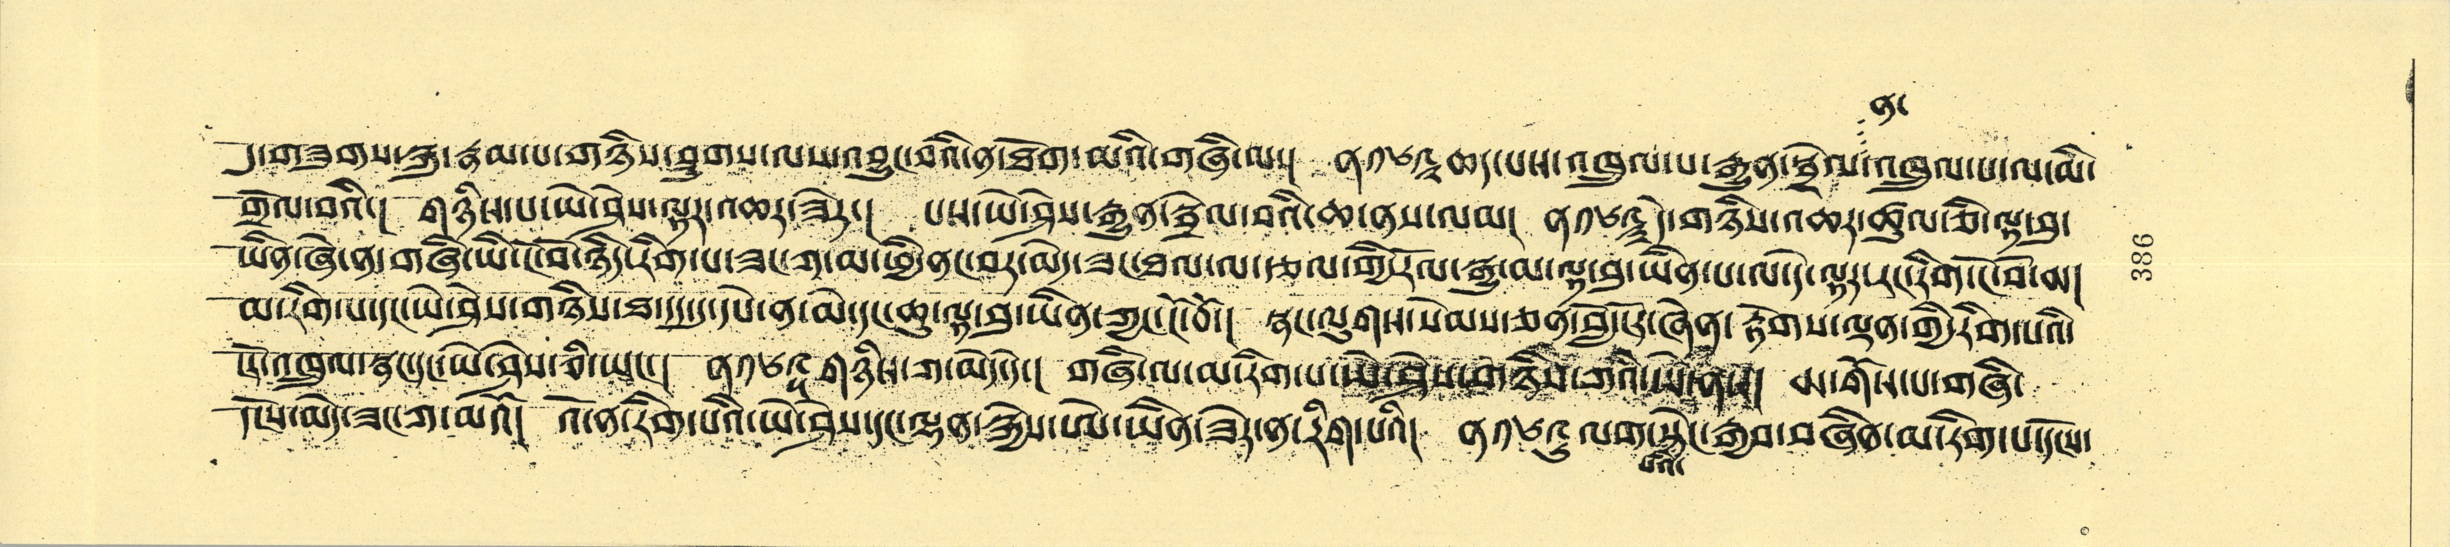དུ་གཟུགས་སྐུ་རྣམ་པ་གཉིས་ཤུགས་ལས་འབྱུང་བའི་ན་ཐོག་མའི་གཞི་མ། ན༡༦༩།༢ ཆད་པས་འཁྲུལ་པ་རྒྱུན་སྦྲེལ་ན་འཁྲུལ་པ་ལ་མི་
གྲོལ་བའི། གཉིས་པ་་ཡེ་ཤེས་ལྟར་འཆར་ཟེར། པས་་ཡེ་ཤེས་རྒྱུན་སྦྲེལ་བའི་ཆ་ནས་ལམ། ན༡༦༩།༣ དེ་གཉིས་འཆར་ཚུལ་ཅི་ལྟ་བུ་
ཡིན་ཞེ་ན་གཞི་ཡི་ངོ་བོ་ཉིད་རིག་པ་ཟང་ཀ་མ་ཕྱི་ནང་བར་མེད་ཟང་ཐལ་ལ་རྩལ་གྱི་རོལ་སྒྱུ་མ་ལྟ་བུ་ཡིན་པ་ལ་དེ་ལྟར་རང་རིག་ངོ་བོ་ མ།
མ་རིག་པ་དང་ཡེ་ཤེས་གཉིས་ཐ་དད་དུ་དཔེ་ན་མེ་དང་ཆུ་ལྟ་བུ་ཡིན་ཀྱང་ངོ་བོ། སྣང་ལུགས་སེམས་ཅན་བློ་ངོར་ཞེན་རྟོགས་ལྡན་གྱི་རིག་པའི་
ངོ་བོར་འཁྲུལ་སྣང་དང་ཡེ་ཤེས་ ཅི་ཡང། ན༡༦༩།༥ གཉིས་ཀ་མེད་དེ། གཞི་ལ་མ་རིག་པ་ཡེ་ཤེས་གཉིས་ཀའི་ཡེ་ནས་ མ་གོས་པ་གཞི་
དངོས་མེད་ཟང་ཀ་ མའོ། འོ་ན་རིག་པའི་ཡེ་ཤེས་དང་ལྷན་སྐྱེས་ཨེ་ཡིན་ཟེར་ན་རིག་པའི། ན༡༦༩།༦ ལག་པའི་སྟེང་རྒྱབ་བཞིན་མ་རིག་པ་དངོས་